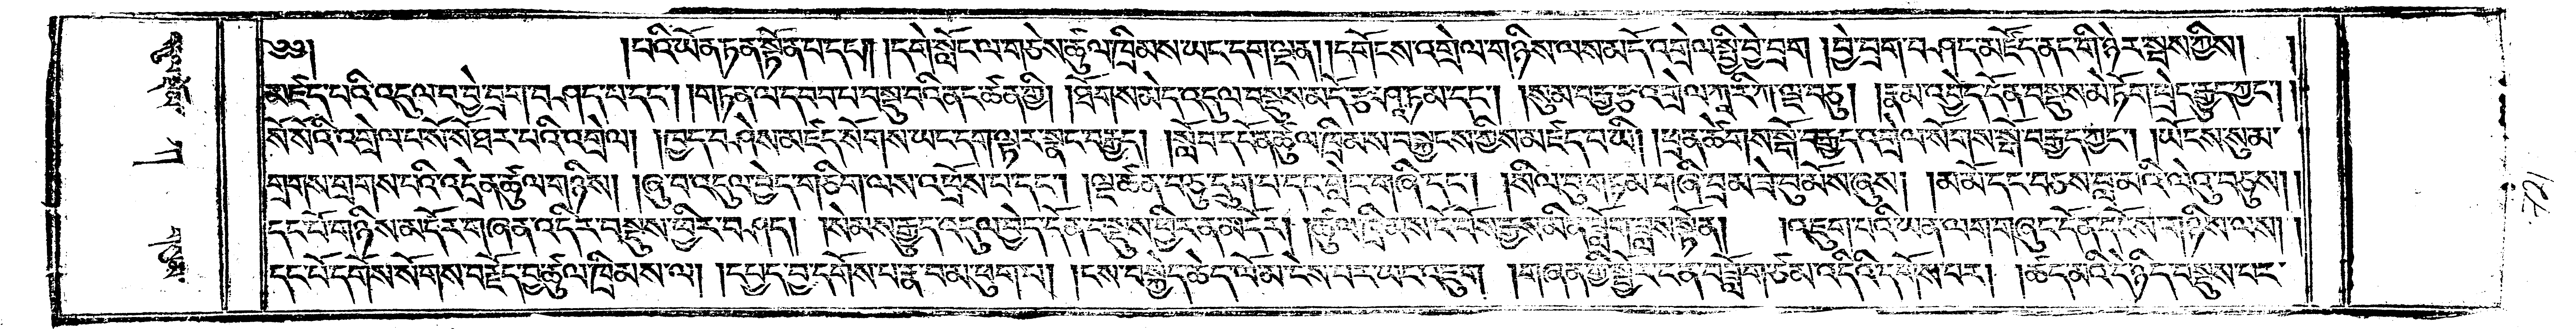༄༅། །པའི་ཡོན་ཏན་སྟོན་པ་དང་། །དགེ་སློང་ལ་གཅེས་ཚུལ་ཁྲིམས་ཡང་དག་ལྡན། །དགོངས་འགྲེལ་གཉིས་ལས་མདོ་འགྲེལ་སྤྱི་བྱེ་བྲག །བྱེ་བྲག་བཤད་མཛོད་ནང་གི་ཉེར་སྤས་ཀྱིས། །
མཛད་པའི་འདུལ་བ་བྱེ་བྲག་བཤད་པ་དང་། །གཏན་ལ་དབབ་པ་བསྡུ་བའི་ནང་ཚན་གྱི། །ཐོགས་མེད་འདུལ་བསྡུས་མདོ་རྩ་ཤཱཏྨ་ངར། །སུམ་བརྒྱ་རྩ་འགྲེལ་ཀཱ་རི་ཀ་ལྔ་བཅུ། །རྣམ་འབྱེད་དོན་བསྡུས་མི་ཏོག་ཕྲེང་རྒྱུད་ཀྱང་། །
སོ་སོའི་འགྲེལ་པ་སོ་སོ་ཐར་པའི་འགྲེལ། །ཁྱད་བཤེས་མཛད་སོགས་ཡང་དག་ལྟང་སྣང་བརྒྱད། །སླེབ་དཔོན་ཚུལ་ཁྲིམས་བསྐྱངས་ཀྱིས་མཛད་པ་མི། །ཕྲན་ཚེགས་སྒོ་བརྒྱད་འགྲེལ་སོགས་སྒོ་བརྒྱད་ཀྱང་། །ཡོངས་སུམ་
གྲགས་གྲགས་པའི་འདྲེན་ཚུལ་གཉིས། །ཞུ་བ་འདུལ་བྱེད་གཅིག་ལས་འཕྲོས་པ་དང་། །ལྔ་ཚན་བཅུ་དྲུག་པ་དང་གླེང་གཞི་དང་། །སིལ་བུ་གཏམ་གཞི་བྲམ་ཟེ་བུ་མོས་ཞུས། །མ་མོང་བཅས་བླ་མའི་ལེའུ་བཅུས། །
དང་པོ་གཉིས་མདོར་གཞན་འདིར་བསྡུས་ཕྱིར་བཤད། །སེམས་རྒྱུད་འདུལ་བྱེད་དོན་བསྡུས་ཕྱིར་ན་མདོར། །ཚུལ་ཁྲིམས་ངོ་བོས་རྒྱས་མིན་ཟློག་ཟླས་སྟོན། །འཇུག་པའི་ཡན་ལག་གཞུང་དོན་དངོས་གཉིས་ལས། །
དང་པོ་དགོས་སོགས་བརྗོད་བྱ་ཚུལ་ཁྲིམས་ལ། །དཔྱད་བྱ་དགོས་པ་རྣ་བ་མ་ཕུག་པ། །ངས་བསྐྱེད་ཆེད་ལོ་མ་ངེས་པར་ཡང་འཇུག །གཞན་གྱི་སྐྱོར་ངན་བཟློག་ཙམ་འདིའི་དགོས་པང་། །ཚད་མའི་དེ་ཉིད་བསྡུས་པར་